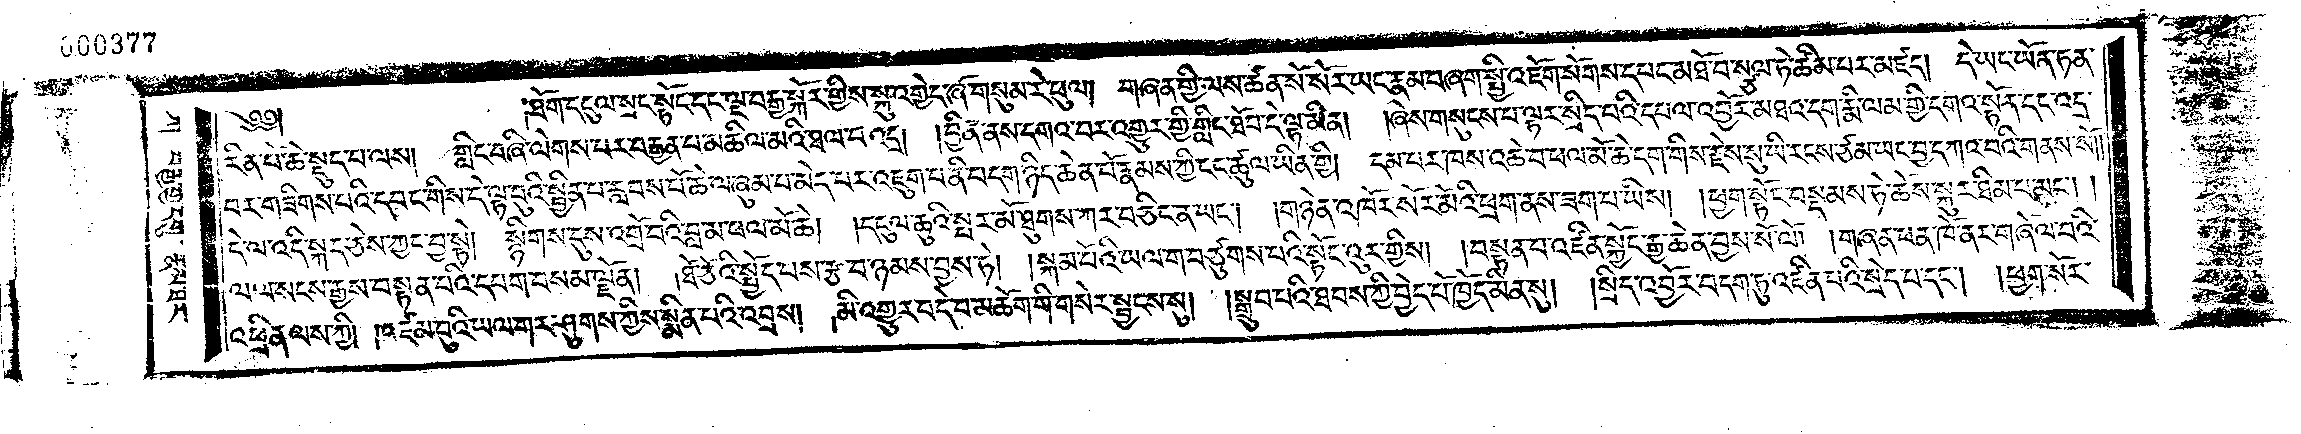༄༅། །ཐོག་དངུལ་སྲང་སྟོང་དང་ལྔ་བརྒྱ་སྐོར་གྱིས་སྐུ་འགྱེད་ཞོ་གསུམ་རེ་ཕུལ། གཞན་གྱི་ལས་ཚན་སོ་སོར་ཡང་རྣམ་བཞག་སྤྱི་འཇོག་སོགས་དཔང་མཐོ་བ་སྩལ་ཏེ་ཚིམ་པར་མཛད། དེ་ཡང་ཡོན་ཏན་
རིན་པོ་ཆེ་སྡུད་པ་ལས། གླིང་བཞི་ལེགས་པར་བརྒྱན་པ་མཆིལ་མའི་ཐལ་བ་འདྲ། །བྱིན་ནས་དགའ་བར་འགྱུར་གྱི་གླིང་ཐོབ་དེ་ལྟ་མིན། །ཞེས་གསུངས་པ་ལྟར་སྲིད་པའི་དཔལ་འབྱོར་མཐའ་དག་རྨི་ལམ་གྱི་དགའ་སྟོན་དང་འདྲ་
བར་གཟིགས་པའི་དབང་གིས་དེ་ལྟ་བུའི་སྦྱིན་པ་རླབས་པོ་ཆེ་ལ་ཞུམ་པ་མེད་པར་འཇུག་པ་ནི་བདག་ཉིད་ཆེན་པོ་རྣམས་ཀྱི་ངང་ཚུལ་ཡིན་གྱི། དམ་པར་ཁས་འཆེ་བ་ཕལ་མོ་ཆེ་དག་གིས་རྗེས་སུ་ཡི་རངས་ཙམ་ཡང་བྱ་དཀའ་བའི་གནས་སོ།།
དེ་ལ་འདི་སྐད་ཅེས་ཀྱང་བྱ་སྟེ། སྙིགས་དུས་འགྲོ་བའི་བླ་མ་ཕལ་མོ་ཆེ། །དངུལ་ཆུའི་སྤར་མོ་ཐུགས་ཀར་བཅིང་ན་ཡང་། །གཉེན་འཁོར་སོར་མོའི་ཕྲག་ནས་ཟག་པ་ཡིས། །ཕྱག་སྟོང་བསྡམས་ཏེ་ཆེས་སྐུར་ཐིམ་པ་མང་། །
ལ་ལ་སངས་རྒྱས་བསྟན་པའི་དཔག་བསམ་ལྗོན། །ཐོ་ཅོའི་སྤྱོད་པས་རྩ་བ་ཉམས་བྱས་ཏེ། །སྐམ་པོའི་ཡལ་ག་བཙུགས་པའི་སྟོང་འུར་གྱིས། །བསྟན་པ་འཛིན་སྐྱོང་རྒྱ་ཆེན་བྱས་སོ་ལོ། །གཞན་ཕན་ཁོ་ནར་གཞོལ་པའི་
འཕྲིན་ལས་ཀྱི། །འཛམ་བུའི་ཡལ་གར་ཤུགས་ཀྱིས་སྨིན་པའི་འབྲས། །མི་འགྱུར་བདེ་བ་མཆོག་གི་གསེར་སྦྱངས་སུ། །བསྒྲུབ་པའི་ཐབས་ཀྱི་བྱེད་པོ་ཁྱོད་མིན་སུ། །སྲིད་འབྱོར་བདག་ཏུ་འཛིན་པའི་སྲེད་པ་དང་། །ཕྱག་སོར་